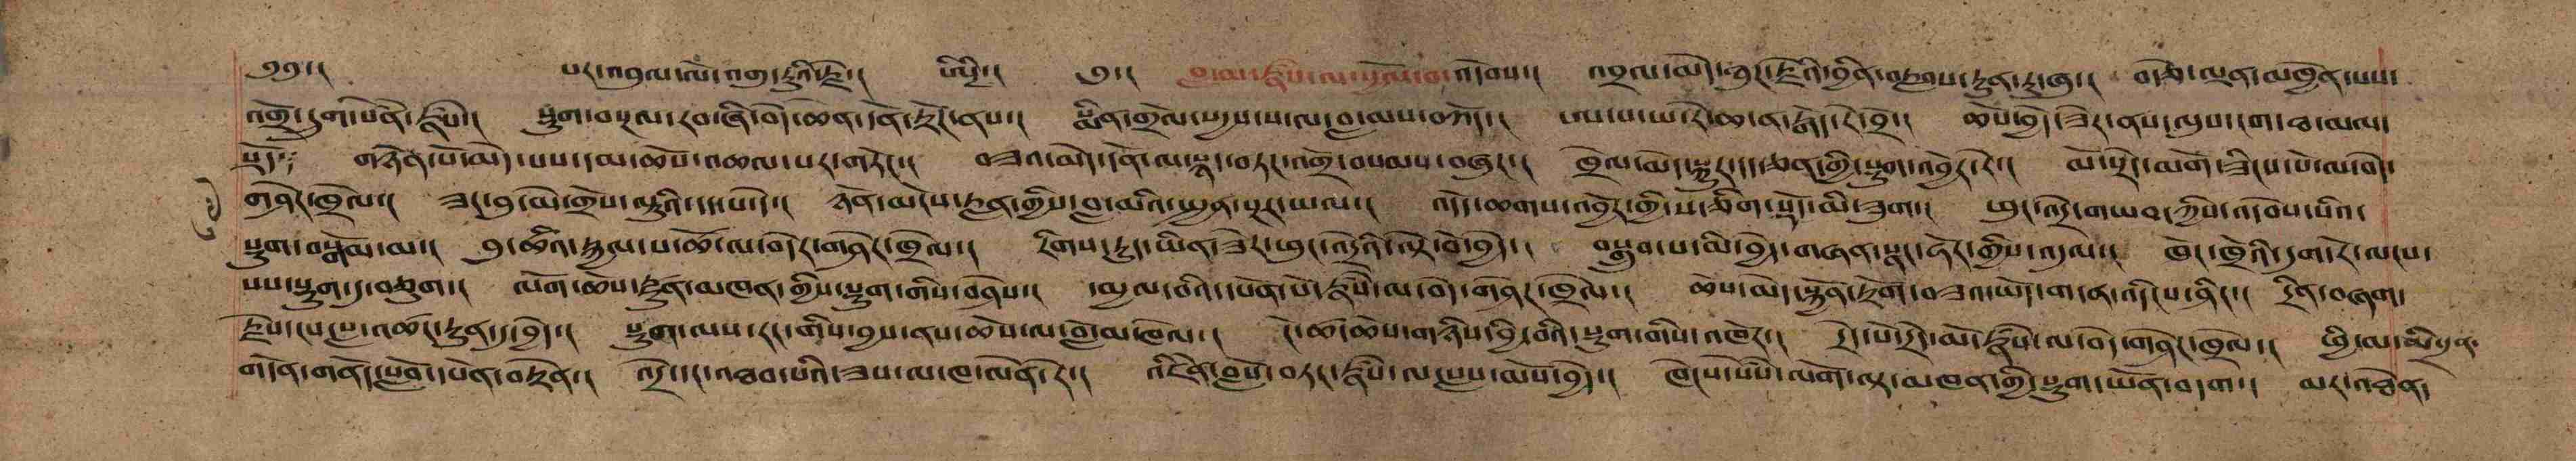༄༅།། པར་འབུལ་ལོ་འགུ་རུའི་རྗེ།། ཨིཊི།། ༄་། བླ་མ་རྣམས་ལ་གསོལ་བ་འདེབས།། འབྲལ་མེད་ཐུགས་རྗེའི་བྱིན་རླབས་རྒྱུན་དུ་ཞུ།། བརྩེ་ལྡན་མཁྱེན་པས་
འགྲོ་དྲུག་སེམས་ཅན་རྣམས།། སྡུག་བསྔལ་རབ་ཞི་བདེ་ཆེན་དོན་རྟོགས་ནས།། སྨིན་གྲོལ་སངས་རྒྱས་ས་ལ་བླ་མས་བཀོད།། ཨ་པ་ཡ་རེ་ཆ་ན་རྒོད་རེ་བྲོ།། ཆོས་བྱེད་ཟེར་ནས་ལུས་ངག་ཐ་མལ་
སྡོད།། གཉེན་པོ་མེད་པས་དམ་ཆོས་འཆལ་པར་གཏོང་།། བཟའ་མེད་དོན་ལ་སྙད་བཏགས་འགྲོ་བསམས་བཞུགས།། ཁྲེལ་མེད་སྐྱུར་དད་ཅན་གྱི་སྡུག་འབྱོར་རོ།། མོ་སྲེད་མགོ་ཟིངས་པོ་ལ་བདེ་
གཤེགས་ཁྲེལ།། ཟང་བུ་མེ་གྲོས་ལྟ་བུའི་དད་པ་དེ།། ཉོན་མོངས་རླན་གྱིས་བླ་མའི་སྤྱན་སྔར་ཡལ།། འདོད་ཆགས་འབྱོར་གྱི་སོ་གཅིག་སྡོད་མི་ཟུག། ཕུང་འདྲེ་གཡབ་ཀྱིས་འདེབས་པའི་
སྡུག་བསྒོམ་མ།། བུ་ཚའི་རྐྱལ་པ་ཚོ་ལ་བདེར་གཤེགས་ཁྲེལ།། རིགས་རྒྱུད་ཡིན་ཟེར་ཕུང་འདྲེའི་ལྟེ་བོ་བྱེད།། བསྒྲུབ་པ་མི་བྱེད་གཞན་སྣང་ཧོར་གྱིས་འདུལ།། ཁོང་ཁྲོའི་དུག་རོ་ལངས་
པས་སྡུག་ཏུ་བཅུག། ལོག་ཆོས་རྫུན་མཁན་གྱིས་སྡུག་གིས་བཤེས།། དམྱལ་བའི་དཔོན་པོ་རྣམས་ལ་བདེ་གཤེགས་ཁྲེལ།། ཆོས་མེད་སྐྱོན་རྟོག་བཟའ་ཡོད་གདན་འདིངས་ཤིང་།། དྲིན་བཞག
རྗེས་ངས་སླ་༼བླ༽འཚང་རྒྱུན་དུ་བྱེད།། སྡུག་ལས་རང་གིས་བྱས་ནས་ཆོས་ལ་བློ་མ་ཁེལ།། ངོ་ཚ་ཆོས་གཉིས་བྱི་བའི་སྡུ་གིས་འཁོར།། དྲེད་པོ་དྲེད་མོ་རྣམས་ལ་བདེ་གཤེགས་ཁྲེལ།། ཕྱི་མ་མི་དྲན་
གདོན་གནོད་སློབ་དཔོན་བསྟེན།། འདྲེ་དང་འཐབ་པའི་ཟས་ལ་ཁ་ལེན་རེ།། འཇིག་རྟེན་བློས་བཏང་རྣམས་ལ་སླས་མོ་བྱེད།། ཁེངས་སེམས་ལོག་ལྟ་ཅན་གྱི་སྡུག་ཡོན་བདག། མར་འཐེན་